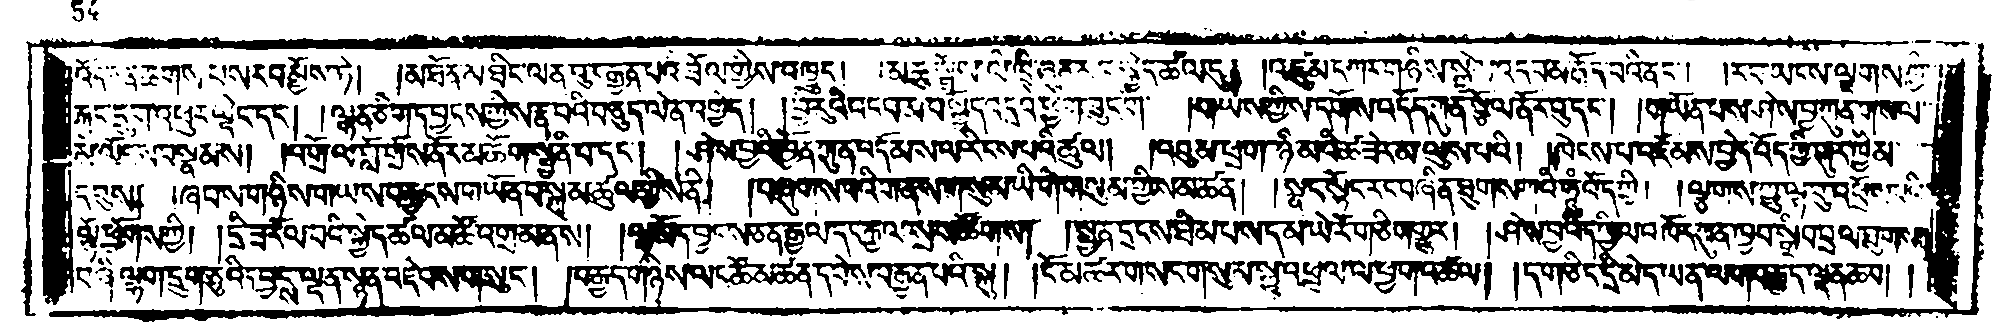འོད་ཅན་ཆགས་པས་རབ་མྱོས་ཏེ། །མཐོན་མཐིང་ལན་བུར་རྒྱན་པའི་ཟོལ་གྱིས་འཁྱུད། །མཆུ་སྒྲོས་ལི་ཁྲི་ཞུན་མའི་སྐྱེད་ཚལ་དུ། །འཛུམ་དཀར་གཉིས་སྐྱེས་འདབ་མ་རྒོད་པའི་ནང་། །རབ་ཡངས་ལྗགས་ཀྱི་
རྐང་དྲུག་འཕུར་ལྡིང་དང་། །ལྷན་ཅིག་དབྱངས་ཀྱིས་རྣ་བའི་བཅུད་ལེན་འགྱེད། །བྱི་རུའི་འདབ་མ་བསྐྱོད་འདྲའི་ཕྱག་ཟུང་གི །གཡས་ཀྱིས་དགོས་འདོད་ཀུན་སྩོལ་ནོར་བུ་དང་། །གཡོན་པས་ཤེས་བྱ་ཀུན་གསལ་
མེ་ལོངས་བསྣམས། །འགྲོ་ལ་བློ་གྲོས་ནོར་མཆོག་སྦྱིན་པ་དང་། །ཤེས་བྱའི་ཁྱོན་ཀུན་འདོམས་ལ་རིངས་པའི་ཚུལ། །འབུམ་ཕྲག་ཉི་མའི་ཚ་ཟེར་མ་ལུས་པའི། །ཁེངས་པ་འཇོམས་བྱེད་འོད་ཀྱི་གུར་ཁྱིམ་
དབུས། །ཞབས་གཉིས་གཡས་བརྐྱངས་གཡོན་བསྐུམ་ཚུལ་གྱིས་ནི། །བཞུགས་པའི་གནས་གསུམ་ཡི་གེ་གསུམ་གྱིས་མཚན། །སྣང་སྟོང་རང་བཞིན་ཐུགས་ཀའི་ཧཱུཾ་འོད་ཀྱི། །ལྕགས་ཀྱུ་ལྟ་བུ་འཕྲོས་པའི་
ལྷོ་ཕྱོགས་ཀྱི། །དྲི་ཟ་རོལ་པའི་སྐྱེད་ཚལ་མཚོ་འགྲམ་ནས། །ལྷ་མོ་དབྱངས་ཅན་རྒྱལ་དང་རྒྱལ་སྲས་ཚོགས། །སྤྱན་དྲངས་ཐིམ་པས་དམ་ཡེ་རོ་གཅིག་གྱུར། །ཤེས་བྱའི་དཀྱིལ་འཁོར་ཀུན་ཁྱབ་སྒྲིབ་བྲལ་ཐུགས། །
བཞི་ལྷག་དྲུག་ཅུའི་དབྱངས་ལྡན་སྙན་འཇེབས་གསུང་། །བརྒྱད་གཉིས་ལང་ཚོ་མཚན་དཔེས་བརྒྱན་པའི་སྐུ། །ངོ་མཚར་གསང་གསུམ་སྒྱུ་འཕྲུལ་ལ་ཕྱག་འཚལ། །དག་ཅིང་དྲི་མེད་ཡན་ལག་བརྒྱད་ལྡན་ཆབ། །